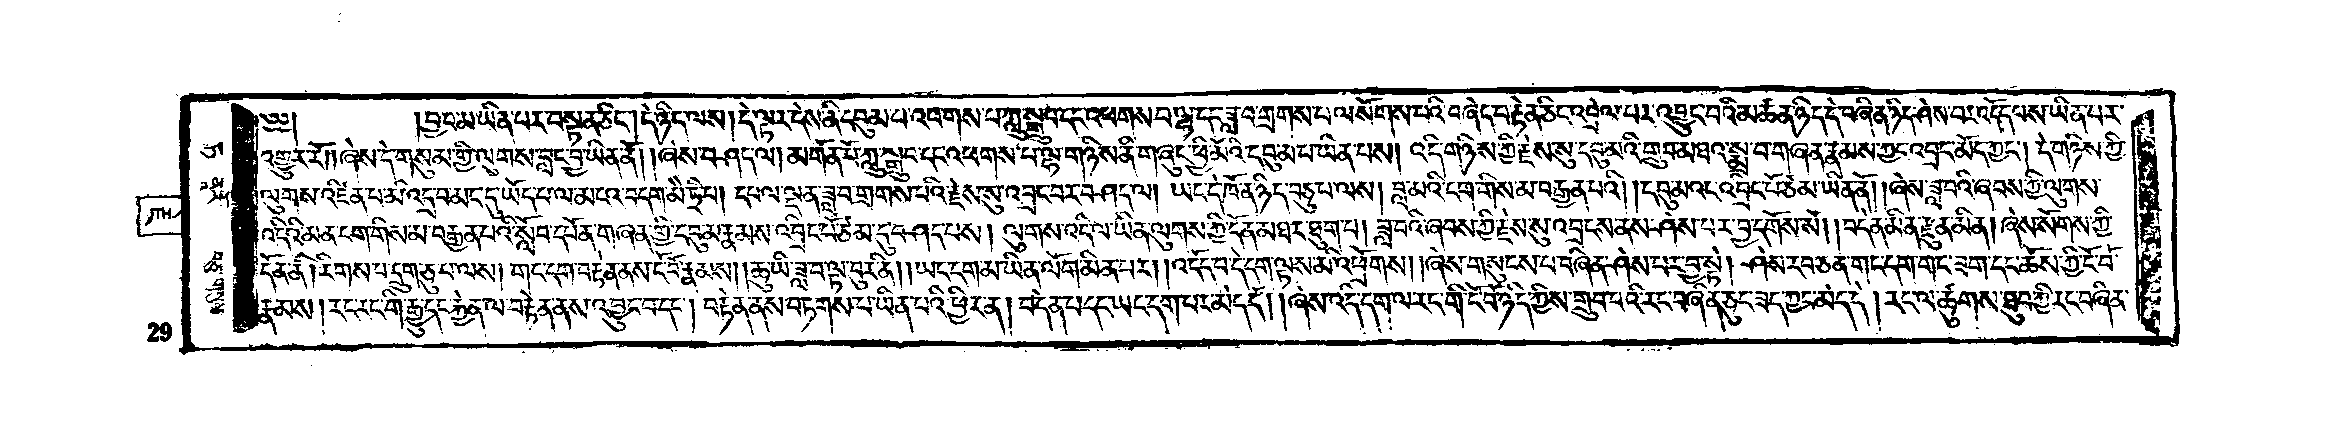༄༅། །བྱ་བ་མ་ཡིན་པར་བསྟན་ཅིང་། དེ་ཉིད་ལས། དེ་ལྟར་དེས་ནི་དབུ་མ་པ་འཕགས་པ་ཀླུ་སྒྲུབ་དང་འཕགས་པ་ལྷ་དང་ཟླ་བ་གྲགས་པ་ལ་སོགས་པའི་བཞེད་པ་རྟེན་ཅིང་འབྲེལ་པར་འབྱུང་བའི་མཚན་ཉིད་དེ་བཞིན་ཉིད་ཤེས་པར་འདོད་པས་ཡིན་པར་
འགྱུར་རོ། །ཞེས་དེ་གསུམ་གྱི་ལུགས་བླང་བྱ་ཡིན་ནོ། །ཞེས་བཤད་ལ། མགོན་པོ་ཀླུ་སྒྲུབ་དང་འཕགས་པ་ལྷ་གཉིས་ནི་གཞུང་ཕྱི་མོའི་དབུ་མ་པ་ཡིན་པས། འདི་གཉིས་ཀྱི་རྗེས་སུ་དབུ་མའི་གྲུབ་མཐའ་སྨྲ་བ་གཞན་རྣམས་ཀྱང་འབྲད་?་མོད་ཀྱང་། དེ་གཉིས་ཀྱི་
ལུགས་འཛིན་པ་མི་འདྲ་བ་མང་དུ་ཡོད་པ་ལ་མངའ་བདག་མཻ་ཏྲི་པ། དཔལ་ལྡན་ཟླ་བ་གྲགས་པའི་རྗེས་སུ་འབྲང་བར་བཤད་ལ། ཡང་དེ་ཁོ་ན་ཉིད་བཅུ་པ་ལས། བླ་མའི་ངག་གིས་མ་བརྒྱན་པའི། །དབུ་མའང་འབྲིང་པོ་ཙམ་ཡིན་ནོ། །ཞེས་ཟླ་བའི་ཞབས་ཀྱི་ལུགས་
འདིའི་མན་ངག་གིས་མ་བརྒྱན་པའི་སློབ་དཔོན་གཞན་གྱི་དབུ་མ་རྣམས་འབྲིང་པོ་ཙམ་དུ་བཤད་པས། ལུགས་འདི་ལ་ཡིན་ལུགས་ཀྱི་དོན་མཐར་ཐུག་པ། ཟླ་བའི་ཞབས་ཀྱི་རྗེས་སུ་འབྲངས་ནས་ཤེས་པར་བྱ་དགོས་སོ། །བདེན་མིན་རྫུན་མིན། ཞེས་སོགས་ཀྱི་
དོན་ནི། རིགས་པ་དྲུག་ཅུ་པ་ལས། གང་དག་བརྟེན་ནས་ངོ་བོ་རྣམས། །ཆུ་ཡི་ཟླ་བ་ལྟ་བུར་ནི། །ཡང་དག་མ་ཡིན་ལོག་མིན་པར། །འདོད་པ་དེ་དག་ལྟས་མི་འཕྲོགས། །ཞེས་གསུངས་པ་བཞིན་ཤེས་པར་བྱ་སྟེ། ཤེས་རབ་ཅན་གང་དག་གང་ཟག་དང་ཆོས་ཀྱི་ངོ་བོ་
རྣམས། རང་རང་གི་རྒྱུ་དང་རྐྱེན་ལ་བརྟེན་ནས་འབྱུང་བ་དང་། བརྟེན་ནས་བཏགས་པ་ཡིན་པའི་ཕྱིར་ན། བདེན་པ་དང་ཡང་དག་པར་མེད་དོ། །ཞེས་འདི་དག་ལ་རང་གི་ངོ་བོ་ཉིད་ཀྱིས་གྲུབ་པའི་རང་བཞིན་ཅུང་ཟད་ཀྱང་མེད་དེ། རང་ལ་ཚུགས་ཐུབ་ཀྱི་རང་བཞིན་